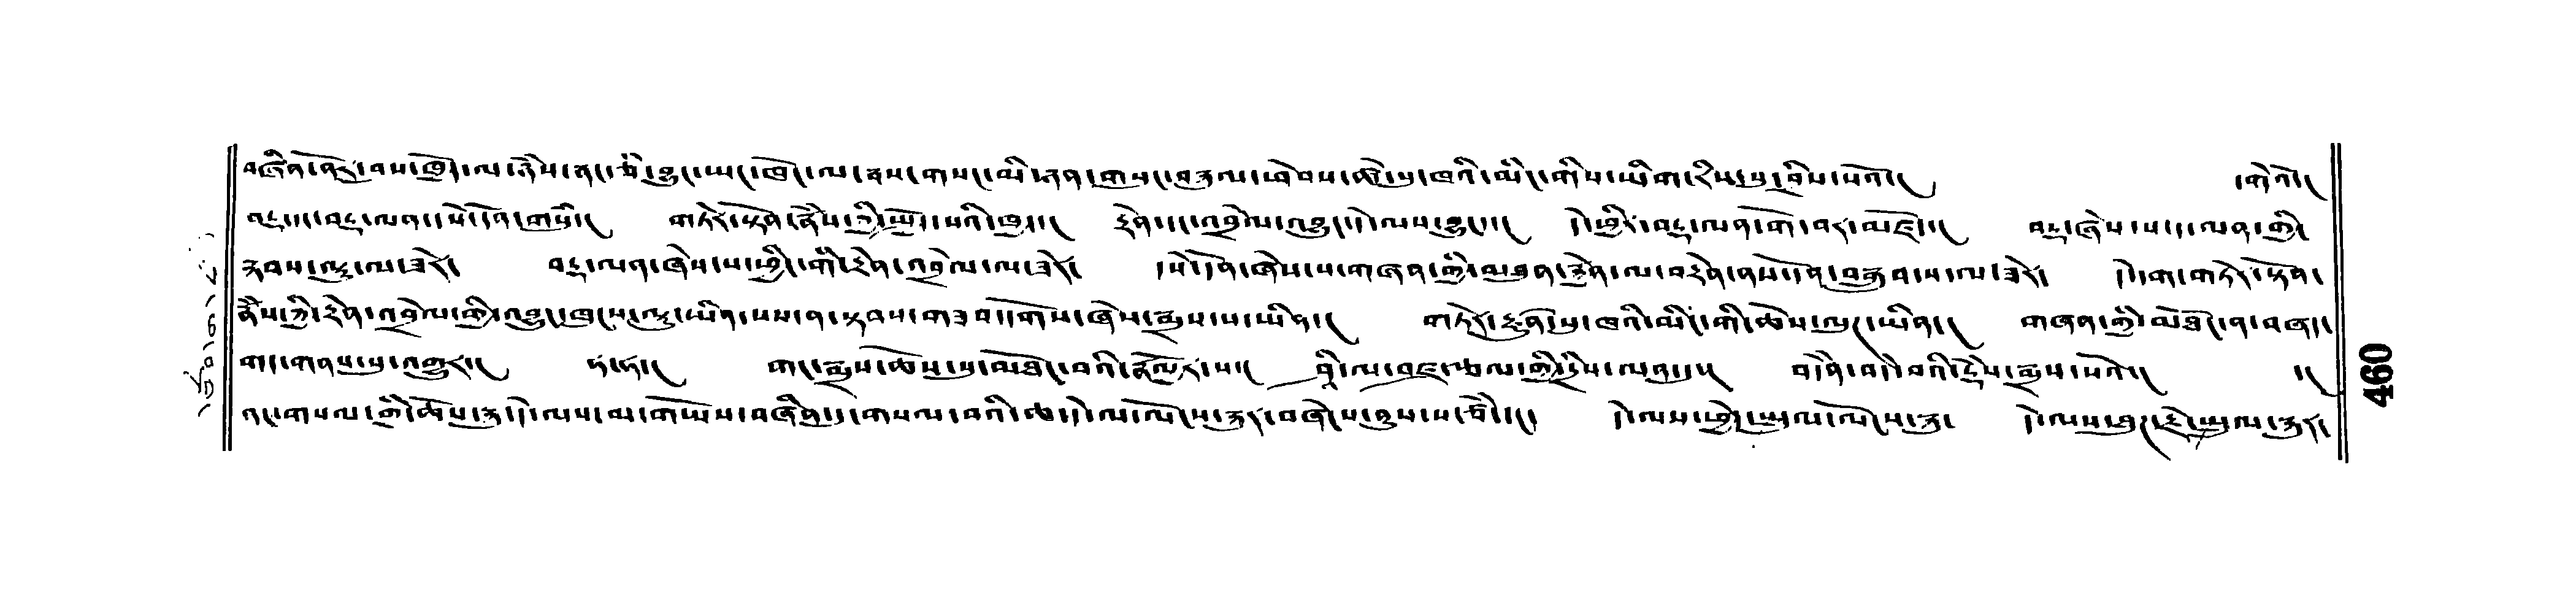བཞིན་ནོར་བུས་ཁྱོད་ལ་ཉམས་སྣང་ཅི་བྱུང་ཡང་ཁོག་ལ་སྦེད་གསང་མི་ཉན་ཞེས་གསུང་བསྐུལ་ཕེབས་ཚེ་སུ་ཁའི་མིང་གིས་ཡིག་རིས་སུ་བྲིས་པ་ དགེའོ།། ༈ 
བརྡ་དང་བརྡ་ལན་དཔེ་དོན་གསུམ། །གཏེར་སྟོན་རྣམས་ཀྱི་སྤྱོད་པའི་ཁྱད། །རྟེན་དང་འབྲེལ་འབྱུང་དེ་ལས་བྱུང་། །དེ་ཕྱིར་བརྡ་ལན་གོ་བར་མཛོད། བརྡ་ཞེས་པ་ད་ལན་གྱི་
སྐབས་ལྟ་བུ་ལ་ཟེར། བརྡ་ལན་ཞེས་པ་ཕྱི་ནང་གི་རྟེན་འབྲེལ་ལ་ཟེར། དཔེ་དོན་ཞེས་པ་གཞན་གྱི་མཐུན་རྐྱེན་ལ་བརྟེན་ནས་དོན་བསྒྲུབ་པ་ལ་ཟེར། དེ་དག་གཏེར་སྟོན་
རྣམས་ཀྱི་རྟེན་འབྲེལ་གྱི་འབྱུང་ཁུངས་ལྟ་བུ་ཡིན་པས་ན་སྟབས་གཟབ་དགོས་ཞེས་སྨྲས་པ་ཡིན། གཏེར་རྫུན་སུ་ཁའི་མིང་གི་ཆོས་ལུགས་ཡིན། །གཞན་གྱི་མཐོང་ན་བཞད་
གད་གནས་སུ་འགྱུར། ཧ་ཧ། གང་སྨྲས་ཆོས་སུ་མཐོང་བའི་རྣལ་འབྱོར་པ། །ཤཱི་ལ་བཛྲ་རྩལ་གྱི་དྲིས་ལན་དུ། བདེ་ཆེན་བདེ་བའི་རྡོ་རྗེས་སྨྲས་པའོ།། 
ནང་གསལ་གྱི་ཆོས་སྐུ་དེ་ལས་མ་གཡོས་བཞིན་དུ་གསལ་བའི་ཆ་དེ་ལ་ལོངས་སྐུར་བཞེངས་ནུས་པ་ཙམ་དང་། དེ་ལས་ཕྱེད་སྤྲུལ་ལོངས་སྐུ། དེ་ལས་ཐུགས་རྗེ་སྤྲུལ་སྐུར་